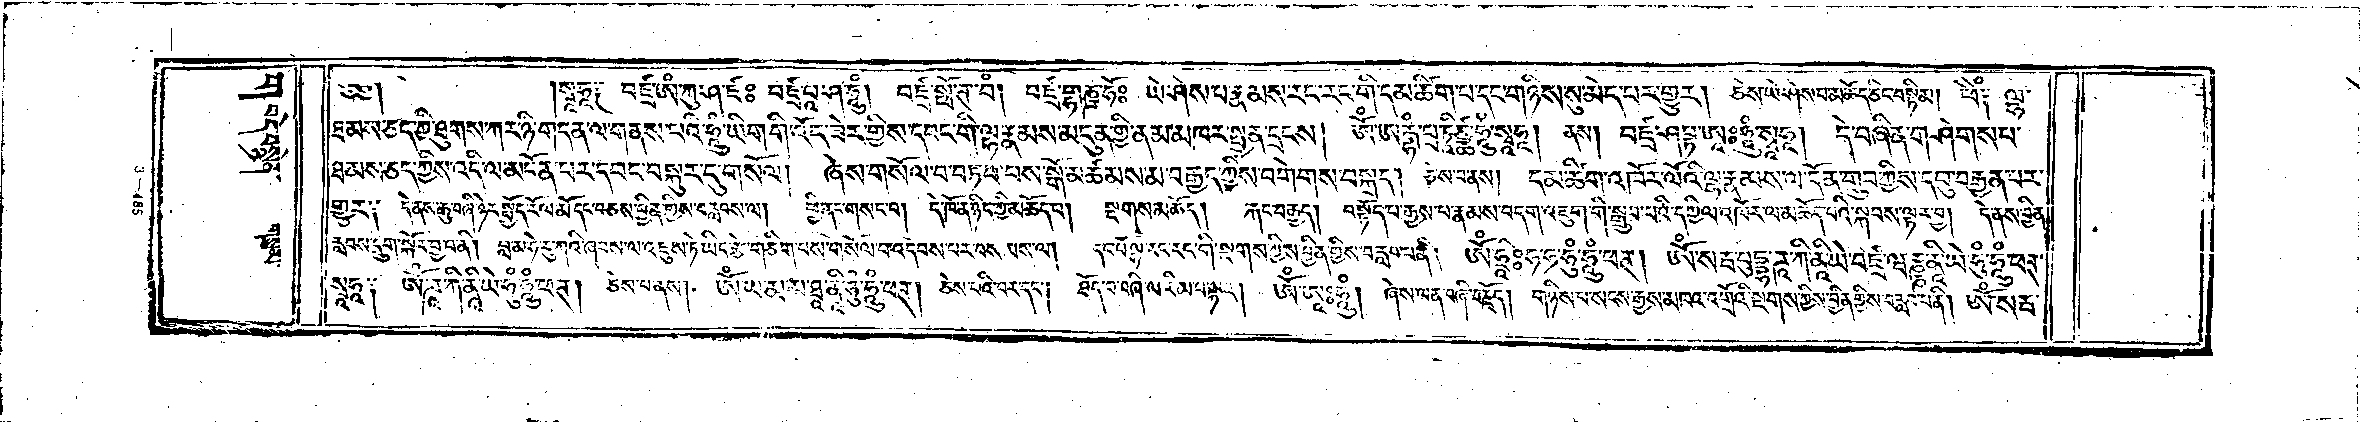༄༅། །སྭཱ་ཧཱ༑ བཛྲ་ཨཾ་ཀུ་ཤ་ཛཿ བཛྲ་པཱ་ཤ་ཧཱུཾ། བཛྲ་སྥོ་ཊ་བཾ། བཛྲ་གྷཎྜ་ཧོཿ། ཡེ་ཤེས་པ་རྣམས་རང་རང་གི་དམ་ཚིག་པ་དང་གཉིས་སུ་མེད་པར་གྱུར། ཅེས་ཡེ་ཤེས་པ་མཆོད་ཅིང་བསྟིམ།  ཕཻཾ༑ ལྷ་
ཐམས་ཅད་ཀྱི་ཐུགས་ཀར་ཉི་གདན་ལ་གནས་པའི་ཧཱུཾ་ཡིག་གི་འོད་ཟེར་གྱིས་དབང་གི་ལྷ་རྣམས་མདུན་གྱི་ནམ་མཁར་སྤྱན་དྲངས། ཨོཾ་ཨརྒྷཾ་པྲ་ཏཱིཙྪ་ཧཱུཾ་སྭཱ་ཧཱ། ནས། བཛྲ་ཤཔྟ་ཨཱཿ ཧཱུཾ་སྭཱཧཱ། དེ་བཞིན་གཤེགས་པ་
ཐམས་ཅད་ཀྱིས་འདི་ལ་མངོན་པར་དབང་བསྐུར་དུ་གསོལ། ཞེས་གསོལ་བ་བཏབ་པས་སྒོ་མཚམས་མ་བརྒྱད་ཀྱིས་བགེགས་བསྐྲད། ཅེས་པ་ནས།  དམ་ཚིག་འཁོར་ལོའི་ལྷ་རྣམས་ལ་དོན་གྲུབ་ཀྱིས་དབུ་བརྒྱན་པར་
གྱུར༑ དེ་ནས་རྒྱུ་བཞི་ཉེར་སྤྱོད་རོལ་མོ་དང་བཅས་ཕྱིན་གྱིས་བརླབས་ལ། ཕྱི་ནང་གསང་བ་།དེ་ཁོ་ན་ཉིད་ཀྱི་མཆོད་པ། སྔགས་མཆོད། རྐང་བརྒྱད། བསྟོད་པ་རྒྱས་པ་རྣམས་བདག་འཇུག་གི་སྒྲུབ་པའི་དཀྱིལ་འཁོར་ལོའི་ལྷ་རྣམས་ལ་དོན་གྲུབ་ཀྱིས་དབུ་བརྒྱན་པར་
རླབས་དྲུག་སྐོར་བྱ་བ་ནི། བླ་མ་ཧེ་རུ་ཀའི་ཞབས་ལ་འཇུག་ཏེ་ཡིད་རྩེ་གཅིག་པས་གསོལ་བ་འདེབས་པར་བསམས་ལ། དང་པོ་ལྷ་རང་རང་གི་སྔགས་ཀྱིས་བྱིན་གྱིས་བརླབ་པ་ནི། ཨོཾ་ཧྲཱིཿ ཧ་ཧ་ཧཱུཾ་ཧཱུཾ་ཕཊ། ཨོཾ་སརྦ་བུདྡྷ་ཌཱ་ཀི་ནཱི་ཡེ་བཛྲ་ཝརྞྞ་ནཱི་ཡེ་ཧཱུཾ་ཧཱུཾ་ཕཊ་
སྭཱཧཱ༑ ཨོཾ་ཌཱ་ཀི་ནཱི་ཡེ་ཧཱུཾ་ཧཱུཾ་ཕཊ། ཅེས་པ་ནས།  ཨོཾ་ཡ་མ་མ་ཐཱ་ནཱི་ཧཱུཾ་ཧཱུཾ་ཕཊ། །ཅེས་པའི་བར་དང་། ཐོད་པ་བཞི་ལ་རིམ་པ་ལྟར།  ཨོཾ་ཨཱཿཧཱུཾ། ཞེས་ལན་བཞི་བརྗོད། གཉིས་པ་སངས་རྒྱས་མཁའ་འགྲོའི་སྔགས་ཀྱིས་བྱིན་གྱིས་བརླབ་པ་ནི།  ཨོཾ་སརྦ་